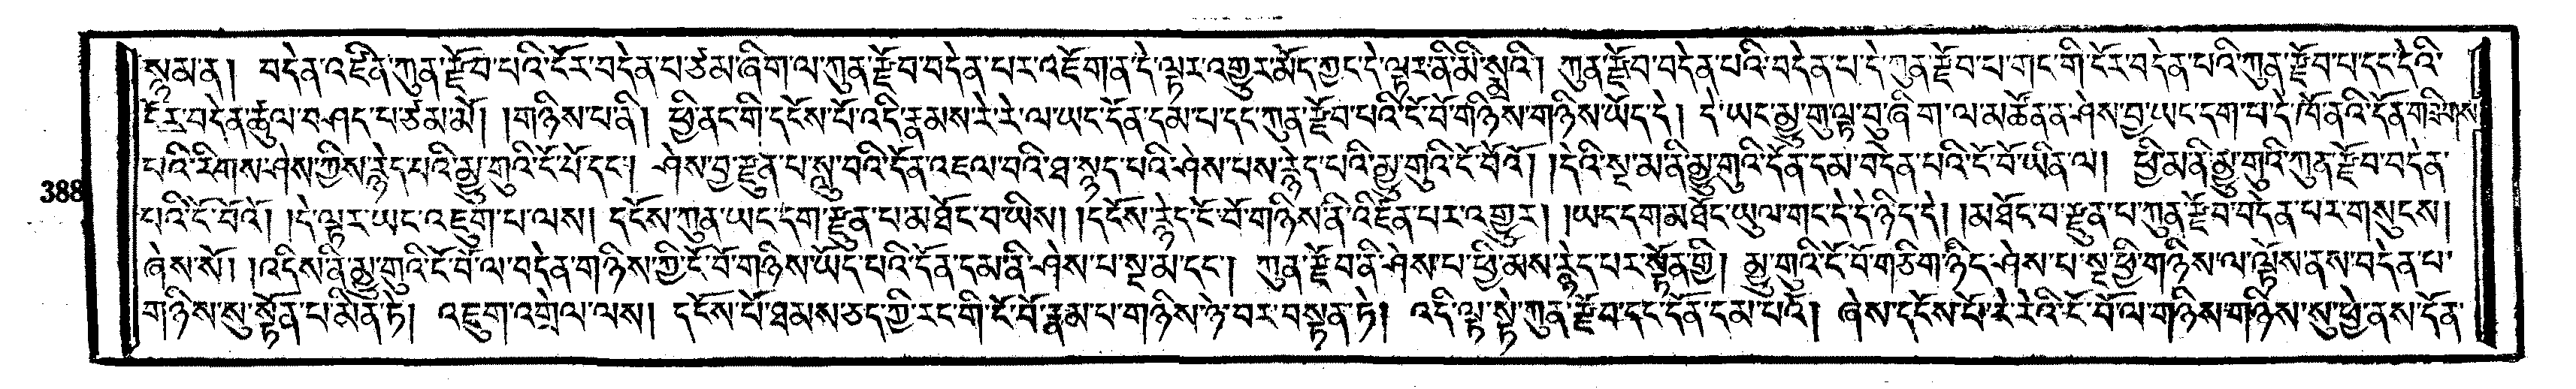སྙམ་ན། བདེན་འཛིན་ཀུན་རྫོབ་པའི་ངོར་བདེན་པ་ཙམ་ཞིག་ལ་ཀུན་རྫོབ་བདེན་པར་འཇོག་ན་དེ་ལྟར་འགྱུར་མོད་ཀྱང་དེ་ལྟར་ནི་མི་སྨྲའི་ཀུན་རྫོབ་བདེན་པའི་བདེན་པ་དེ་ཀུན་རྫོབ་པ་གང་གི་ངོར་བདེན་པའི་ཀུན་རྫོབ་པ་དང་དེའི་
ངོར་བདེན་ཚུལ་བཤད་པ་ཙམ་མོ། །གཉིས་པ་ནི། ཕྱི་ནང་གི་དངོས་པོ་འདི་རྣམས་རེ་རེ་ལ་ཡང་དོན་དམ་པ་དང་ཀུན་རྫོབ་པའི་ངོ་བོ་གཉིས་གཉིས་ཡོད་དེ། དེ་ཡང་མྱུ་གུ་ལྟ་བུ་ཞིག་ལ་མཚོན་ན་ཤེས་བྱ་ཡང་དག་པ་དེ་ཁོ་ནའི་དོན་གཟིགས་
པའི་རིགས་ཤེས་ཀྱིས་རྙེད་པའི་མྱུ་གུའི་ངོ་པོ་དང་། ཤེས་བྱ་རྫུན་པ་སླུ་བའི་དོན་འཇལ་བའི་ཐ་སྙད་པའི་ཤེས་པས་རྙེད་པའི་མྱུ་གུའི་ངོ་བོའོ། །དེའི་སྔ་མ་ནི་མྱུ་གུའི་དོན་དམ་བདེན་པའི་ངོ་བོ་ཡིན་ལ། ཕྱི་མ་ནི་མྱུ་གུའི་ཀུན་རྫོབ་བདེན་
པའི་ངོ་བོའོ། །དེ་ལྟར་ཡང་འཇུག་པ་ལས། དངོས་ཀུན་ཡང་དག་རྫུན་པ་མཐོང་བ་ཡིས། །དངོས་རྙེད་ངོ་བོ་གཉིས་ནི་འཛིན་པར་འགྱུར། །ཡང་དག་མཐོང་ཡུལ་གང་དེ་དེ་ཉིད་དེ། །མཐོང་བ་རྫུན་པ་ཀུན་རྫོབ་བདེན་པར་གསུངས།
ཞེས་སོ། །འདིས་ནི་མྱུ་གུའི་ངོ་བོ་ལ་བདེན་གཉིས་ཀྱི་ངོ་བོ་གཉིས་ཡོད་པའི་དོན་དམ་ནི་ཤེས་པ་སྔ་མ་དང་། ཀུན་རྫོབ་ནི་ཤེས་པ་ཕྱི་མས་རྙེད་པར་སྟོན་གྱི། མྱུ་གུའི་ངོ་བོ་གཅིག་ཉིད་ཤེས་པ་སྔ་ཕྱི་གཉིས་ལ་ལྟོས་ནས་བདེན་པ་
གཉིས་སུ་སྟོན་པ་མིན་ཏེ། འཇུག་འགྲེལ་ལས། དངོས་པོ་ཐམས་ཅད་ཀྱི་རང་གི་ངོ་བོ་རྣམ་པ་གཉིས་ཉེ་བར་བསྟན་ཏེ། འདི་ལྟ་སྟེ་ཀུན་རྫོབ་དང་དོན་དམ་པའོ། ཞེས་དངོས་པོ་རེ་རེའི་ངོ་བོ་ལ་གཉིས་གཉིས་སུ་ཕྱེ་ནས་དོན་